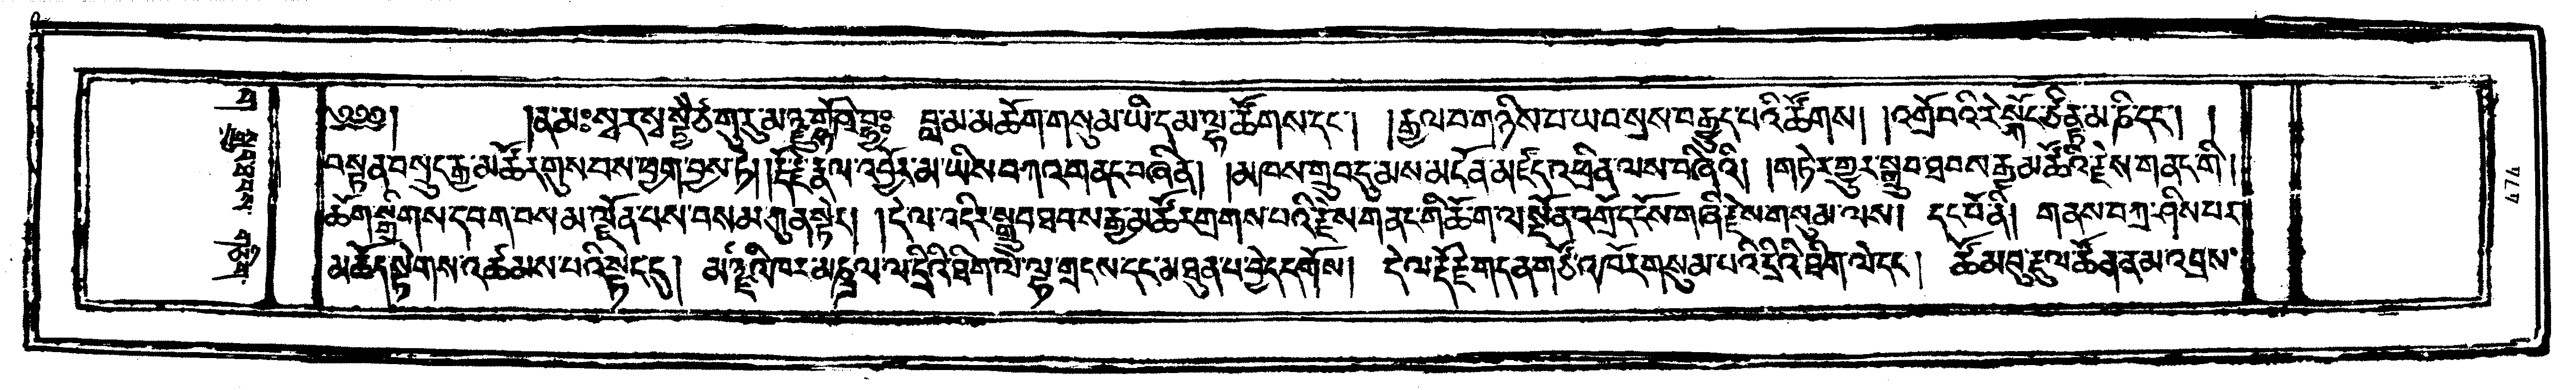༄༅༅། །ན་མཿསྭ་ར་སྭསྟྱཻ་ཙ་གུ་རུ་མཉྫུ་གྷོ་ཥེ་བྷྱཿ བླ་མ་མཆོག་གསུམ་ཡི་དམ་ལྷ་ཚོགས་དང་། །རྒྱལ་བ་གཉིས་པ་ཡབ་སྲས་བརྒྱུད་པའི་ཚོགས། །འགྲོ་བའི་རེ་སྐོང་ཙིནྟ་མ་ཎི་དང་། །
བསྟན་བསྲུང་རྒྱ་མཚོར་གུས་བས་ཕྱག་བྱས་ཏེ། །རྡོ་རྗེ་རྣལ་འབྱོར་མ་ཡིས་བཀའ་གནང་བཞིན། །མཁས་གྲུབ་དུ་མས་མངོན་མཛད་འཕྲིན་ལས་བཞིའི། །གཏེར་གྱུར་སྒྲུབ་ཐབས་རྒྱ་མཚོའི་རྗེས་གནང་གི།
ཆོག་སྒྲིགས་དབག་བསམ་ལྗོན་པས་བསམ་ཀུན་སྟེར། །དེ་ལ་འདིར་སྒྲུབ་ཐབས་རྒྱ་མཚོར་གྲགས་པའི་རྗེས་གནང་གི་ཆོ་ག་ལ་སྔོན་འགྲོ་དངོས་གཞི་རྗེས་གསུམ་ལས། དང་པོ་ནི། གནས་བཀྲ་ཤིས་པར་
མཆོད་སྟེགས་འཚམས་པའི་སྟེང་དུ། མཉྫིའི་ཁར་མཎྜལ་ལ་དྲིའི་ཐིག་ལེ་ལྷ་གྲངས་དང་མཐུན་པ་བྱེད་དགོས། དེ་ལ་རྡོ་རྗེ་གདན་གཙོ་འཁོར་གསུམ་པའི་དྲིའི་ཐིག་ལེ་དང་། ཚོམ་བུ་རྡུལ་ཚོན་ནམ་འབྲས་